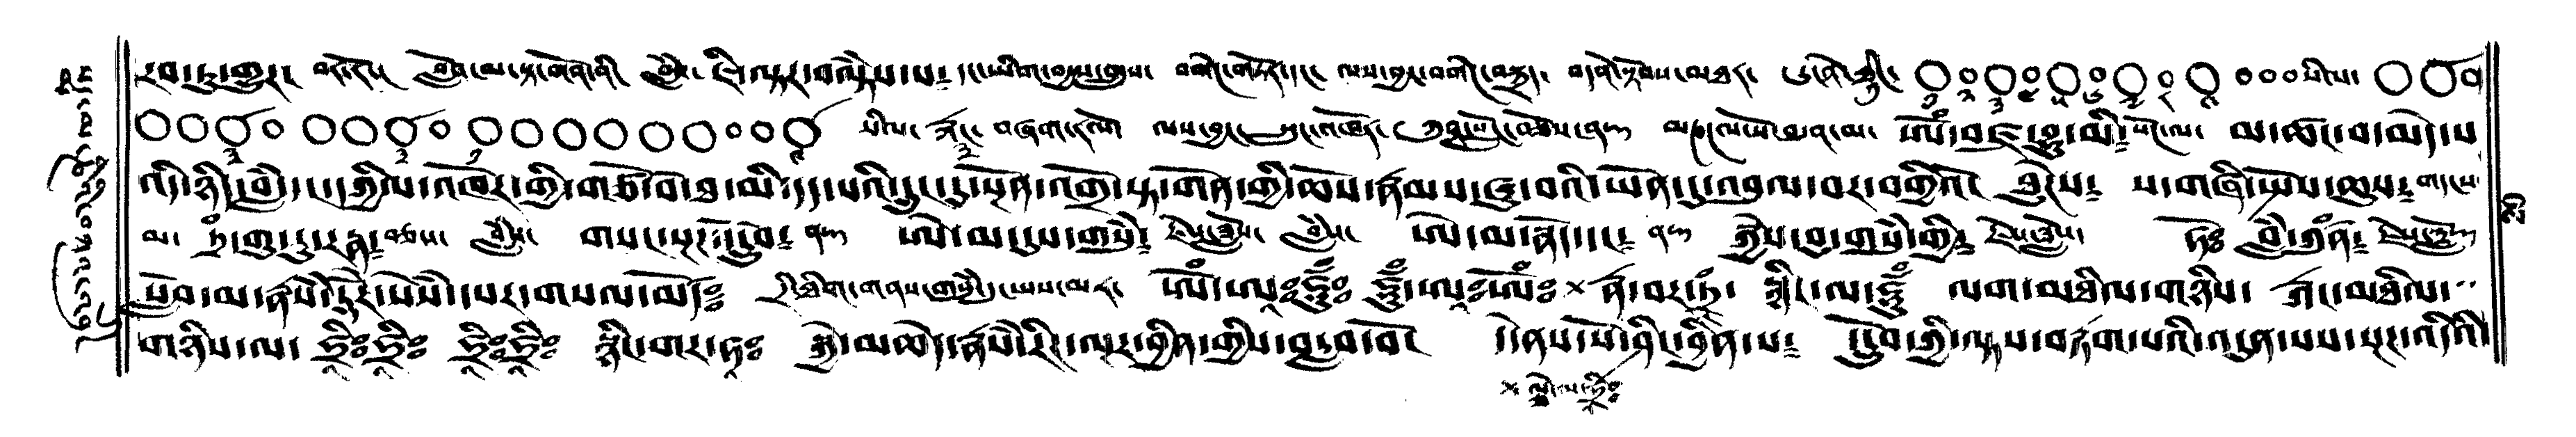རབ་ཏུ་གྱུར༔ བར་རོ། སློབ་མ་སྟ་གོན་ནི། བླ་མས། ཇི་ལྟར་བལྟམས་པ༴ དང་ཡིག་བརྒྱས་ཁྲུས། བགེགས་གཏོར་དང་། ལས་བྱང་བགེགས་བསྐྲད། བདེན་སྟོབས་མཐར། དུང་ཆེན། ཐིང་གཅིག ཟིལ། 
སིལ། རྐང་གསུམ། བཞག་རོལ། ལས་བྱང་། སྲུང་འཁོར། ཀུན་སློང་བཅོས་ནས། མཎྜལ་སོ་བདུན་མ། ཨོཾ་བཛྲ་བྷུ་མི༴ སོགས་ལ། མ་ཚང་བ་མེད་པ་
འདི་ཉིད་བླ་མ་དང་དཀྱིལ་འཁོར་གྱི་གཙོ་བོ་ཐ་མི་དད་པའི་དྲུང་དུ་སྔོན་འགྲོ་སྟ་གོན་གྱི་ཆོས་རྣམས་ཞུ་བའི་ཡོན་དུ་འབུལ་བར་བགྱིའོ། ཐུགས་རྗེས༴ ས་གཞི་སྤོས་ཆུས༴ གདངས་
མ། ཏྲཾ་གུ་རུ་རཏྣ༴ བཅས། བླ་མས། གསང་སྔགས་དངོས་གྲུབ༴ ནས། ཨེ་མ་དུས་གསུམ༴ རྗེས་ཟློས། བླ་མས། ཨེ་མ་སྣོད་དང༴ནས། སྐྱེས་བུ་གསུམ་གྱི༴ རྗེས་ཟློས། ཧོཿ བླ་མ་ཀུན་བཟང༴ རྗེས་ཟློས། 
སློབ་མ་རྣམས་རྡོ་རྗེ་སེམས་དཔར་གསལ་མཛོད༔ དྲི་ཐིག་གནས་གསུམ་དུ་ཡས་མར། ཨོཾ་ཨཱཿཧཱུྃ༔ ཧཱུྃ་ཨཱཿཨོཾཿ ལྕེ་ལ་ཧྲཱིཿ རྣ་བར་ཏྲཱཾཿ སྙིང་ལ་ཧྃའུཿ ལག་མཐིལ་གཉིས་དང་རྐང་མཐིལ་
གཉིས་ལ་ཧྲཱིཿཧྲཱིཿ ཧྲཱིཿཧྲཱིཿ སྙིང་གར་ཧཱ༔ སྐྱེ་མཆེད་རྣམས་རིགས་ལྔར་བྱིན་གྱིས་བརླབ་བོ༔ དེ་ནས་སོ་ཤིང་སྦྱིན་པ༴ དངོས་གྲུབ་ཀྱི་ལྟས་བརྟག་པའི་འདུན་པས་སྔགས་འདིའི་